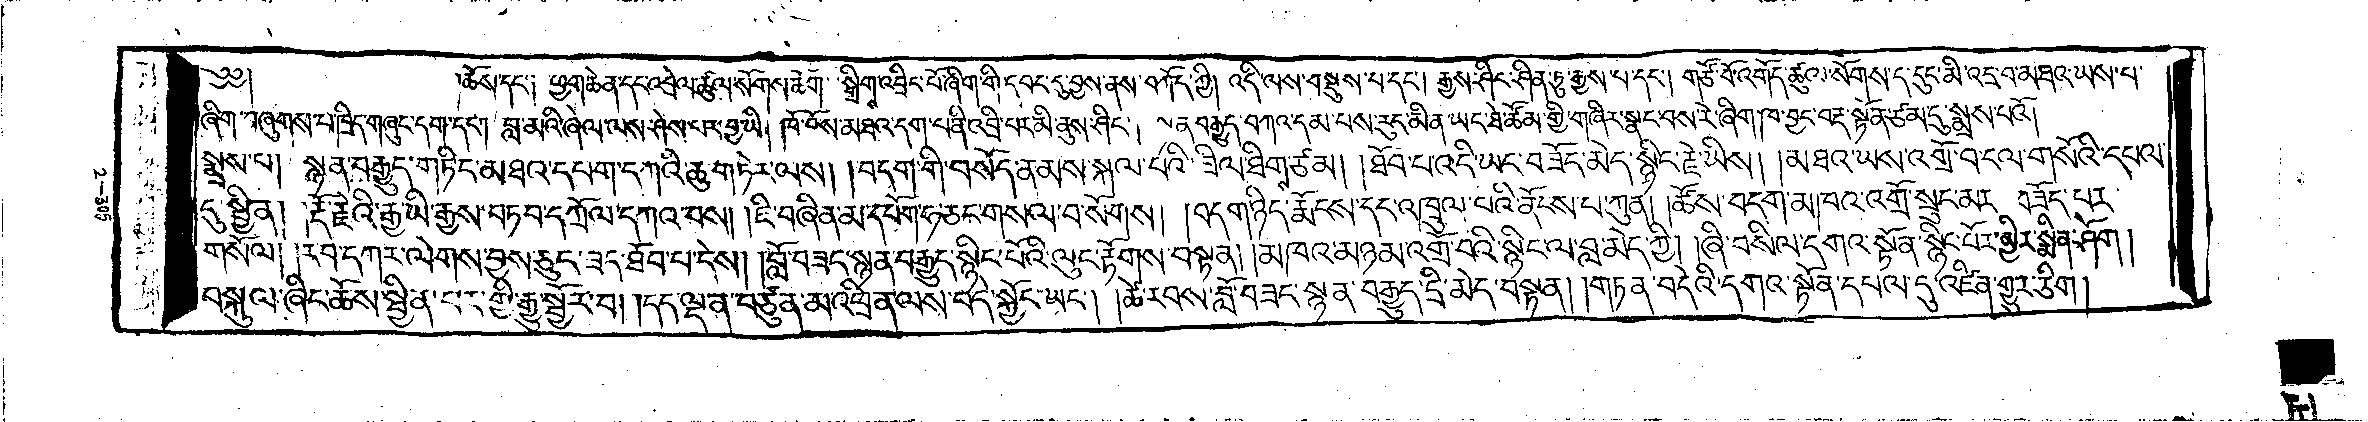༄༅། །ཆོས་དང༑ ཕྱག་ཆེན་དང་འབྲེལ་ཚུལ་སོགས་ཆོག་སྒྲིག་འབྲིང་པོ་ཞིག་གི་དབང་དུ་བྱས་ནས་བཀོད་ཀྱི། འདི་ལས་བསྡུས་པ་དང་། རྒྱས་ཤིང་ཤིན་ཏུ་རྒྱས་པ་དང་། གཙོ་བོ་འགོད་ཚུལ་སོགས་ད་དུང་མི་འདྲ་བ་མཐའ་ཡས་པ་
ཞིག་བཞུགས་པ་ཁྲིད་གཞུང་དག་དང་། བླ་མའི་ཞེལ་ལས་ཤེས་པར་བྱ་ཡི། ཁོ་བོས་མཐའ་དག་པ་ནི་འབྲི་པར་མི་ནུས་ཤིང་། སྙན་བརྒྱུད་བཀའ་དམ་པས་རུང་མིན་ཡང་ཐེ་ཚོམ་གྱི་གཞིར་སྣང་བས་རེ་ཞིག་ཁ་བྱང་བརྡ་སྟོན་ཙམ་དུ་སྨྲས་པའོ།
སྨྲས་པ། སྙན་བརྒྱུད་གཏིང་མཐའ་དཔག་དཀའི་ཆུ་གཏེར་ལས། །བདག་གི་བསོད་ནམས་སྐལ་པའི་ཟིལ་ཐིགས་ཙམ། །ཐོབ་པ་འདི་ཡང་བཟོད་མེད་སྙིང་རྗེ་ཡིས། །མཐའ་ཡས་འགྲོ་བ་ངལ་གསོའི་དཔལ་
དུ་སྦྱིན། །རྡོ་རྗེའི་རྒྱ་ཡི་རྒྱས་བཏབ་དཀྲོལ་དཀའ་བས། །ཇི་བཞིན་མ་དཔོག་ཧ་ཅང་གསལ་བ་སོགས། །བདག་ཉིད་རྨོངས་དང་འཁྲུལ་པའི་ནོངས་པ་ཀུན། །ཚོས་བདག་མཁའ་འགྲོ་སྲུང་མར་བཟོད་པར་
གསོལ། །རབ་དཀར་ལེགས་བྱས་ཅུང་ཟད་ཐོབ་པ་དེས། །བློ་བཟང་སྙན་བརྒྱུད་སྙིང་པོའི་ལུང་རྟོགས་བསྟན། །མཁའ་མཉམ་འགྲོ་བའི་སྙིང་ལ་བླ་མེད་ཀྱི། །ཞི་བསིལ་དགའ་སྟོན་སྙིང་པོར་ཕྱིར་སྨིག་ཤོག །
བསྐུལ་ཞིང་ཆོས་སྦྱིན་པར་གྱི་རྒྱུ་སྦྱོར་བ། །དད་ལྡན་བཙུན་མ་འཕྲིན་ལས་བདེ་སྐྱོང་ཡང་། །ཚེ་རབས་བློ་བཟང་སྙན་བརྒྱུད་དྲི་མེད་བསྟན། །གཏན་བདེའི་དགའ་སྟོན་དཔལ་དུ་འཛིན་གྱུར་ཅིག།